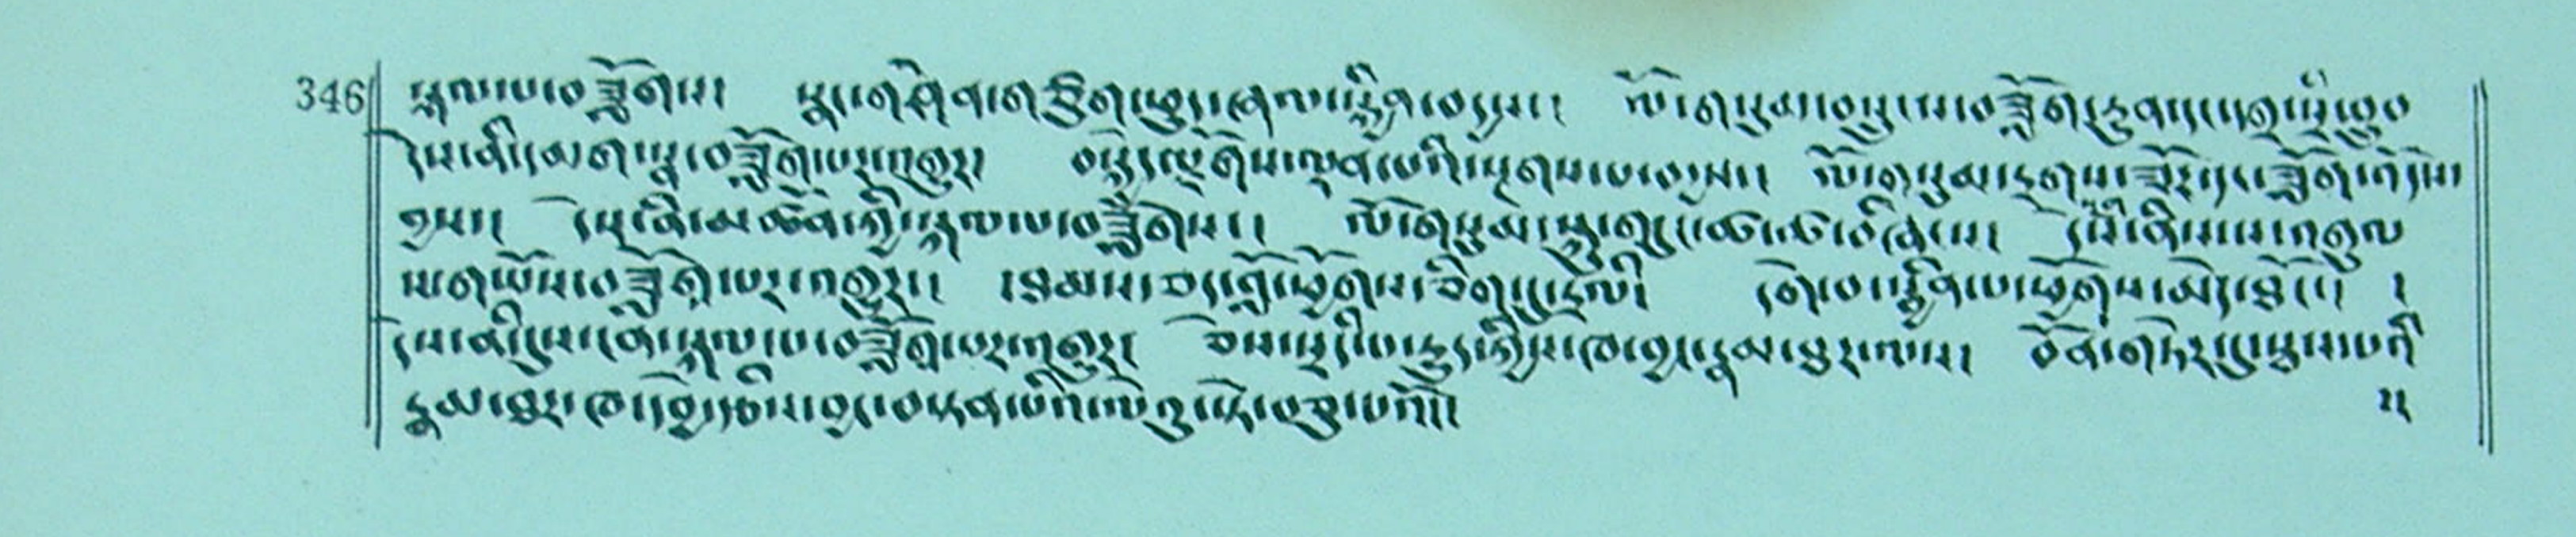བསྐལ་བ་བཟློག སྣང་གཤེན་གཙུག་ཕུད་ཞལ་སྐྱིན་བརྒྱས། ལོ་གསུམ་བསྲུང་བཟློག་རྒྱུན་དང་དགྲ་སྲི་བྲུབ། 
དེས་ནི་དམག་སྣ་བཟློག་པར་འགྱུར། བསྐྱེད་རྫོགས་ལྡན་པའི་སྔགས་པ་བརྒྱས། ལོ་གསུམ་དྲག་སྔགས་ཟོར་དང་ཟློག་མདོས་
བྱས། དེས་ནི་མཚོན་གྱི་བསྐལ་བ་བཟློག ལོ་གསུམ་སྐུ་གདུང་ཚ་ཚ་བཞེངས། དེས་ནི་ས་འགུལ་
ས་གཡོས་བཟློག་པར་འགྱུར། ཐམས་ཅད་བློ་ཕྱོགས་གཅིག་ཏུ་དྲིལ། དགེ་བ་སྦྱིན་པ་ཕྱོགས་མེད་ཐོངས། 
དེས་ནི་དུས་ངན་བསྐལ་བ་བཟློག་པར་འགྱུར། ཞེས་སྲིད་པ་རྒྱུད་ཀྱི་ཁ་བྱང་རྣམ་ཐར་ལས། བོན་གཏེར་སྦས་པའི་
རྣམ་ཐར་དང་ཁ་དབྱེ་རྩིས་བྱང་བསྟན་པའི་ལེའུ་སྟེ་བཅུ་བའོ།།